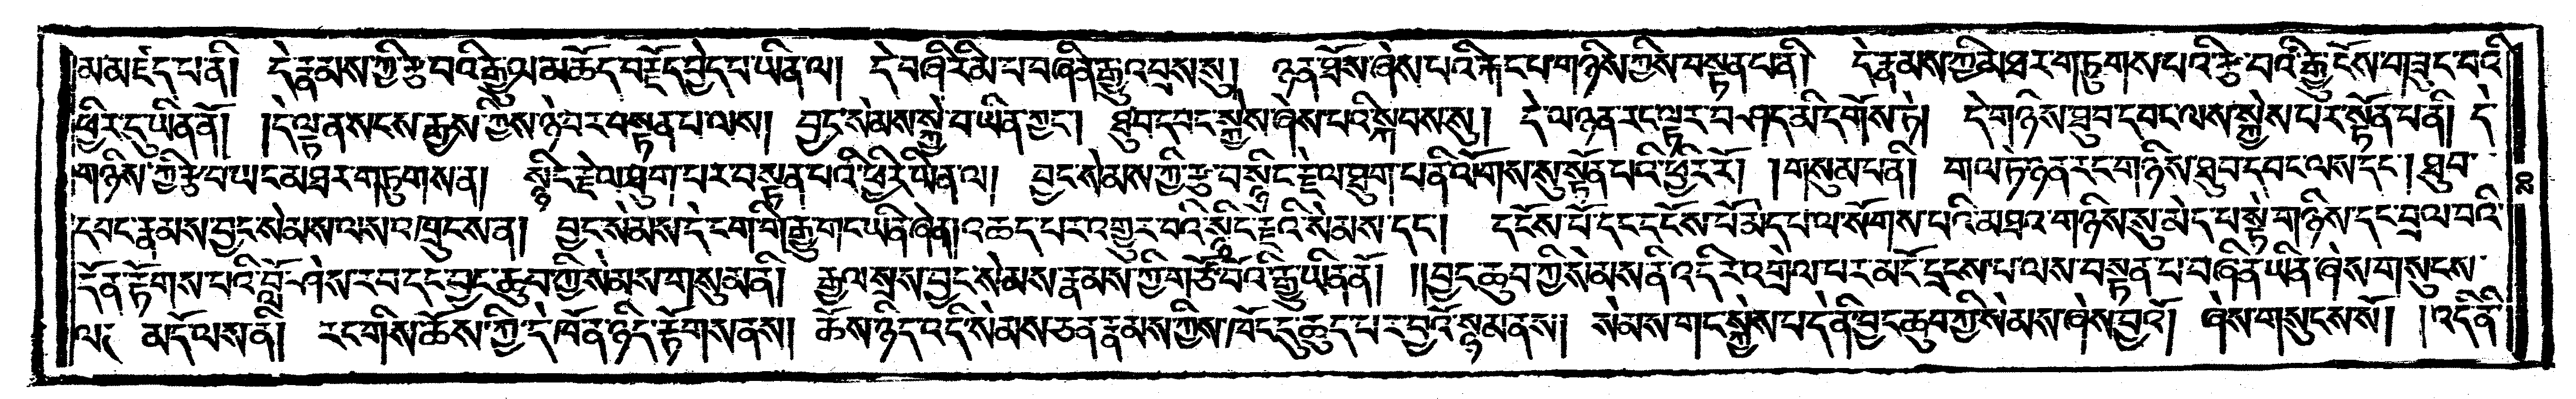མ་མཛད་པ་ནི། དེ་རྣམས་ཀྱི་རྩ་བའི་རྒྱུ་ལ་མཆོད་བརྗོད་བྱེད་པ་ཡིན་ལ། དེ་བཞི་རིམ་པ་བཞིན་རྒྱུ་འབྲས་སུ། ཉན་ཐོས་ཞེས་པའི་རྐང་པ་གཉིས་ཀྱིས་བསྟན་པ་ནི། དེ་རྣམས་ཀྱི་མཐར་གཏུགས་པའི་རྩ་བའི་རྒྱུ་ངོས་གཟུང་བའི་
ཕྱིར་དུ་ཡིན་ནོ། །དེ་ལྟ་ན་སངས་རྒྱས་ཀྱིས་ཉེ་བར་བསྟན་པ་ལས། བྱང་སེམས་སྐྱེ་བ་ཡིན་ཀྱང་། ཐུབ་དབང་སྐྱེས་ཞེས་པའི་སྐབས་སུ། དེ་ལ་ཉན་རང་ལྟར་བཤད་མི་དགོས་ཏེ། དེ་གཉིས་ཐུབ་དབང་ལས་སྐྱེས་པར་སྟོན་པ་ནི། དེ་
གཉིས་ཀྱི་རྩ་བ་ཡང་མཐར་གཏུགས་ན། སྙིང་རྗེ་ལ་ཐུག་པར་བསྟན་པའི་ཕྱིར་ཡིན་ལ། བྱང་སེམས་ཀྱི་རྩ་བ་སྙིང་རྗེ་ལ་ཐུག་པ་ནི་ལོགས་སུ་སྟོན་པའི་ཕྱིར་རོ། །གསུམ་པ་ནི། གལ་ཏེ་ཉན་རང་གཉིས་ཐུབ་དབང་ལས་དང་། ཐུབ་
དབང་རྣམས་བྱང་སེམས་ལས་འཁྲུངས་ན། བྱང་སེམས་དེ་དག་གི་རྒྱུ་གང་ཡིན་ཞེ་ན། འཆད་པར་འགྱུར་བའི་སྙིང་རྗེའི་སེམས་དང་། དངོས་པོ་དང་དངོས་པོ་མེད་པ་ལ་སོགས་པའི་མཐའ་གཉིས་སུ་མེད་པ་སྟེ་གཉིས་དང་བྲལ་བའི་
དོན་རྟོགས་པའི་བློ་ཤེས་རབ་དང་བྱང་ཆུབ་ཀྱི་སེམས་གསུམ་ནི། རྒྱལ་སྲས་བྱང་སེམས་རྣམས་ཀྱི་གཙོ་བོའི་རྒྱུ་ཡིན་ནོ། །བྱང་ཆུབ་ཀྱི་སེམས་ནི་འདིར་འགྲེལ་པར་མདོ་དྲངས་པ་ལས་བསྟན་པ་བཞིན་ཡིན་ཞེས་གསུངས་
ལ༑ མདོ་ལས་ནི། རང་གིས་ཆོས་ཀྱི་དེ་ཁོ་ན་ཉིད་རྟོགས་ནས། ཆོས་ཉིད་འདི་སེམས་ཅན་རྣམས་ཀྱིས་ཁོང་དུ་ཆུད་པར་བྱའོ་སྙམ་ནས། སེམས་གང་སྐྱེས་པ་དེ་ནི་བྱང་ཆུབ་ཀྱི་སེམས་ཞེས་བྱའོ། ཞེས་གསུངས་སོ། །འདི་ནི་